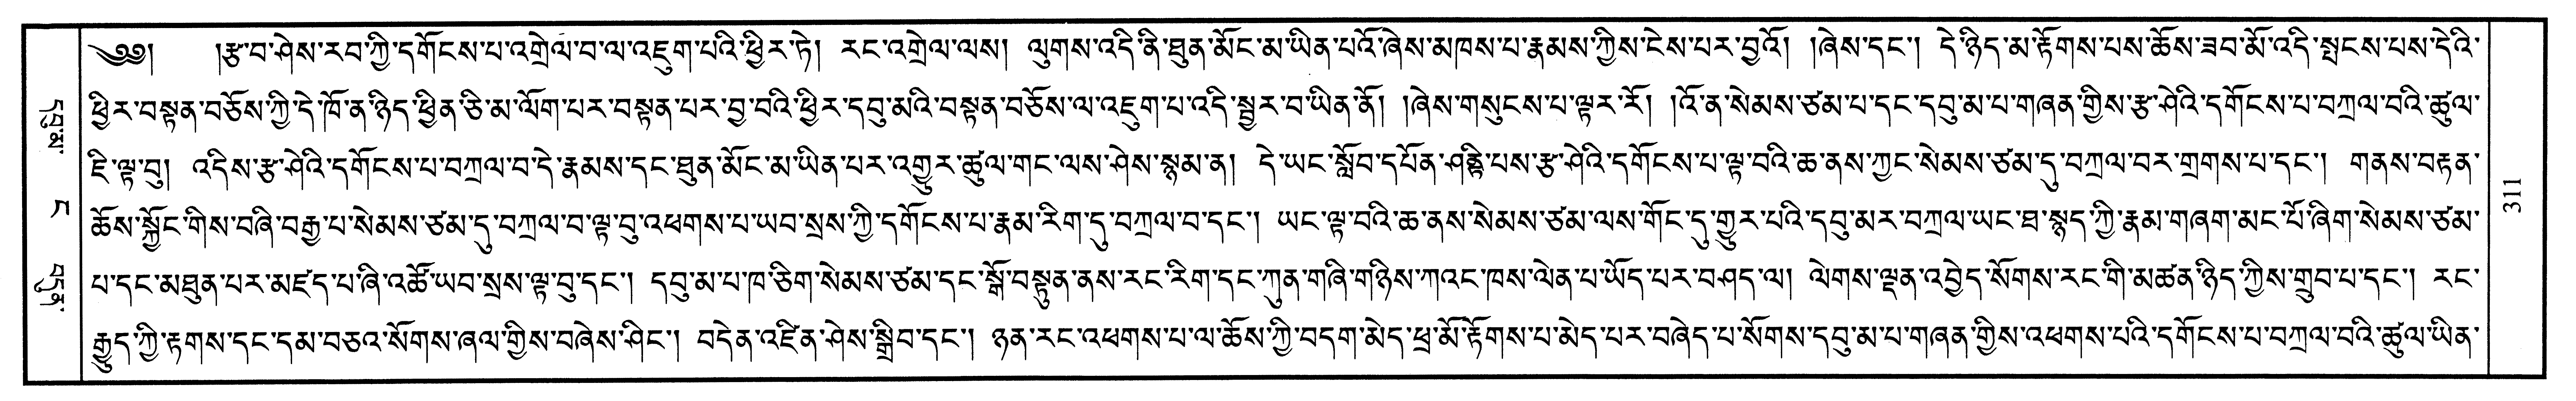༄༅། །རྩ་བ་ཤེས་རབ་ཀྱི་དགོངས་པ་འགྲེལ་བ་ལ་འཇུག་པའི་ཕྱིར་ཏེ། རང་འགྲེལ་ལས། ལུགས་འདི་ནི་ཐུན་མོང་མ་ཡིན་པའོ་ཞེས་མཁས་པ་རྣམས་ཀྱིས་ངེས་པར་བྱའོ། །ཞེས་དང་། དེ་ཉིད་མ་རྟོགས་པས་ཆོས་ཟབ་མོ་འདི་སྤངས་པས་དེའི་
ཕྱིར་བསྟན་བཅོས་ཀྱི་དེ་ཁོ་ན་ཉིད་ཕྱིན་ཅི་མ་ལོག་པར་བསྟན་པར་བྱ་བའི་ཕྱིར་དབུ་མའི་བསྟན་བཅོས་ལ་འཇུག་པ་འདི་སྦྱར་བ་ཡིན་ནོ། །ཞེས་གསུངས་པ་ལྟར་རོ། །འོ་ན་སེམས་ཙམ་པ་དང་དབུ་མ་པ་གཞན་གྱིས་རྩ་ཤེའི་དགོངས་པ་བཀྲལ་བའི་ཚུལ་
ཇི་ལྟ་བུ། འདིས་རྩ་ཤེའི་དགོངས་པ་བཀྲལ་བ་དེ་རྣམས་དང་ཐུན་མོང་མ་ཡིན་པར་འགྱུར་ཚུལ་གང་ལས་ཤེས་སྙམ་ན། དེ་ཡང་སློབ་དཔོན་ཤནྟི་པས་རྩ་ཤེའི་དགོངས་པ་ལྟ་བའི་ཆ་ནས་ཀྱང་སེམས་ཙམ་དུ་བཀྲལ་བར་གྲགས་པ་དང་། གནས་བརྟན་
ཆོས་སྐྱོང་གིས་བཞི་བརྒྱ་པ་སེམས་ཙམ་དུ་བཀྲལ་བ་ལྟ་བུ་འཕགས་པ་ཡབ་སྲས་ཀྱི་དགོངས་པ་རྣམ་རིག་དུ་བཀྲལ་བ་དང་། ཡང་ལྟ་བའི་ཆ་ནས་སེམས་ཙམ་ལས་གོང་དུ་གྱུར་པའི་དབུ་མར་བཀྲལ་ཡང་ཐ་སྙད་ཀྱི་རྣམ་གཞག་མང་པོ་ཞིག་སེམས་ཙམ་
པ་དང་མཐུན་པར་མཛད་པ་ཞི་འཚོ་ཡབ་སྲས་ལྟ་བུ་དང་། དབུ་མ་པ་ཁ་ཅིག་སེམས་ཙམ་དང་སྒོ་བསྟུན་ནས་རང་རིག་དང་ཀུན་གཞི་གཉིས་ཀའང་ཁས་ལེན་པ་ཡོད་པར་བཤད་ལ། ལེགས་ལྡན་འབྱེད་སོགས་རང་གི་མཚན་ཉིད་ཀྱིས་གྲུབ་པ་དང་། རང་
རྒྱུད་ཀྱི་རྟགས་དང་དམ་བཅའ་སོགས་ཞལ་གྱིས་བཞེས་ཤིང་། བདེན་འཛིན་ཤེས་སྒྲིབ་དང་། ཉན་རང་འཕགས་པ་ལ་ཆོས་ཀྱི་བདག་མེད་ཕྲ་མོ་རྟོགས་པ་མེད་པར་བཞེད་པ་སོགས་དབུ་མ་པ་གཞན་གྱིས་འཕགས་པའི་དགོངས་པ་བཀྲལ་བའི་ཚུལ་ཡིན་